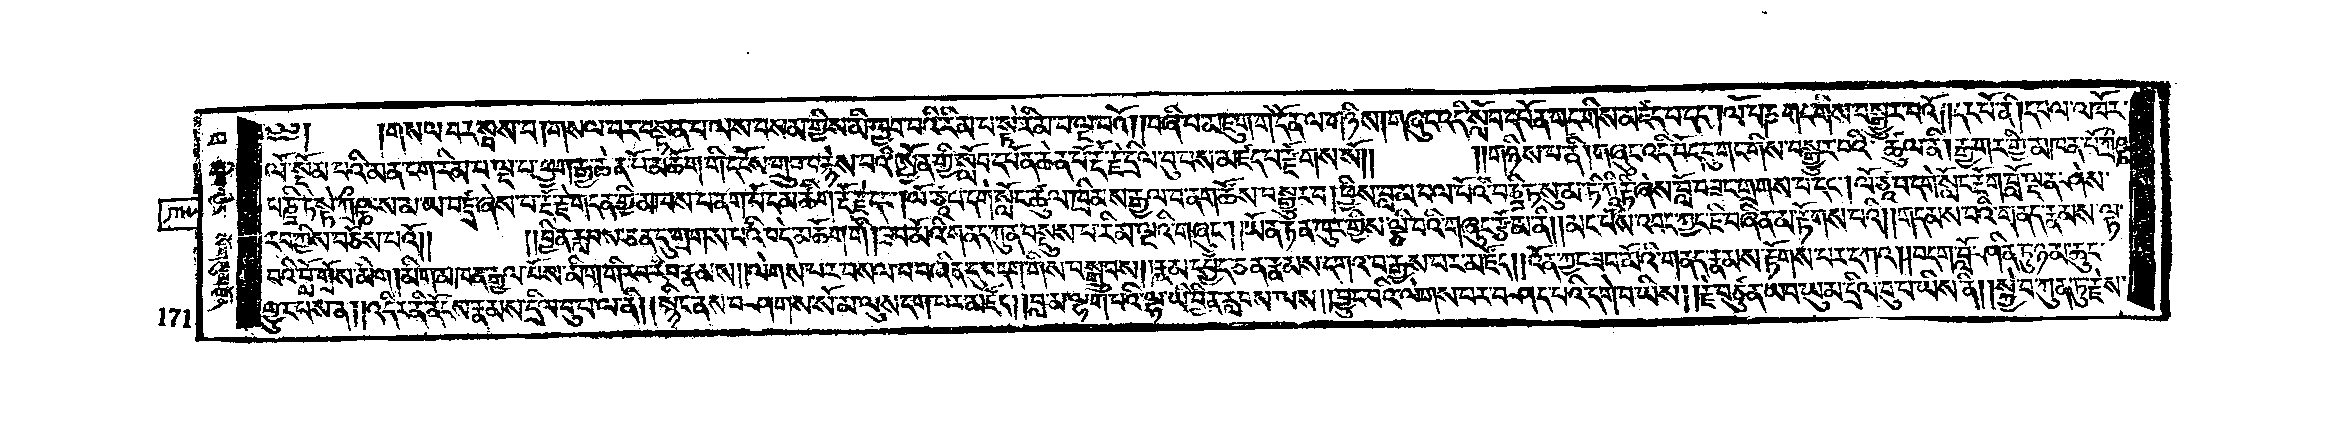༄༅། །གསལ་བར་སྦས་པ། གསལ་བར་བསྟན་པ་ལས་བསམ་གྱིས་མི་ཁྱབ་པའི་རིམ་པ་སྟེ་རིམ་པ་ལྔ་པའོ། །བཞི་པ་མཇུག་གི་དོན་ལ་གཉིས། གཞུང་འདི་སློབ་དཔོན་གང་གིས་མཛད་པ་དང་། ལོ་པཎ་གང་གིས་བསྒྱུར་བའོ། །དང་པོ་ནི། དཔལ་འཁོར་
ལོ་སྡོམ་པའི་མན་ངག་རིམ་པ་ལྔ་པ་ཕྱག་རྒྱ་ཆེན་པོ་མཆོག་གི་དངོས་གྲུབ་བརྙེས་པའི་ཨཡོན་གྱི་སློབ་དཔོན་ཆེན་པོ་རྡོ་རྗེ་དྲིལ་བུ་པས་མཛད་པ་རྫོགས་སོ།། །།གཉིས་པ་ནི། གཞུང་འདི་བོད་དུ་གང་གིས་བསྒྱུར་བའི་ཚུལ་ནི། རྒྱ་གར་གྱི་མཁན་པོ་ཀྲྀཥྞ་
པཎྜི་ཏེ་སྟེ་ཀྲྀ་ས་མ་ཡ་བཛྲ་ཞེས་པ་རྡོ་རྗེ་གདན་གྱི་མཁས་པ་ནག་པོ་དམ་ཚིག་རྡོ་རྗེ་དང་། ལོ་ཙཱ་བ་དགེ་སློང་ཚུལ་ཁྲིམས་རྒྱལ་བ་ནག་ཚོགས་བསྒྱུར་བ། ཕྱིས་བླ་མ་བལ་པོའི་པཎྜི་ཏ་སུ་མ་ཏི་ཀཱི་རྟི་ཞེས་བློ་བཟང་གྲགས་པ་དང་། ལོ་ཙཱ་བ་དགེ་སློང་རྡོག་བློ་ལྡན་ཤེས་
རབ་ཀྱིས་བཅོས་པའོ།། །།བྱིན་རླབས་ཅན་དུ་གྲགས་པའི་བདེ་མཆོག་གི། ཟབ་མོའི་གནད་ཀུན་བསྡུས་པ་རིམ་ལྔའི་གཞུང་། །ཡོན་ཏན་ཁུར་གྱིས་ལྕི་བའི་གཞུང་རྩོམ་ནི། །མང་པོས་འབད་ཀྱང་ཇི་བཞིན་མ་རྟོགས་པའི། །གདམས་པའི་གནད་རྣམས་ལྟ་
བའི་བློ་གྲོས་མིག །མིག་མཁན་རྒྱལ་པོས་མིག་གི་རབ་རིབ་རྣམས། །ལེགས་པར་བསལ་བ་བཞིན་དུ་བདག་གིས་བསྒྲུབས། །རྣམ་དཔྱོད་ཅན་རྣམས་དགའ་བ་རྒྱས་པར་མཛོད། །འོན་ཀྱང་ཟབ་མོའི་གནད་རྣམས་རྟོགས་པར་དཀའ། །བདག་བློ་ཤིན་ཏུ་ཉམ་ཆུང་
གྱུར་པས་ན། །འདིར་ནི་ནོངས་རྣམས་དྲིལ་བུ་པ་ལ་ནི། །སྙིང་ནས་བཤགས་སོ་མ་ལུས་དག་པར་མཛོད། །བླ་མ་ལྷག་པའི་ལྷ་ཡི་བྱིན་རླབས་ལས། །བྱུང་བའི་ལེགས་པར་བཤད་པའི་དགེ་བ་ཡིས། །རྗེ་བཙུན་ཡབ་ཡུམ་དྲིལ་བུ་པ་ཡིས་ནི། །སྐྱེ་བ་ཀུན་ཏུ་རྗེས་